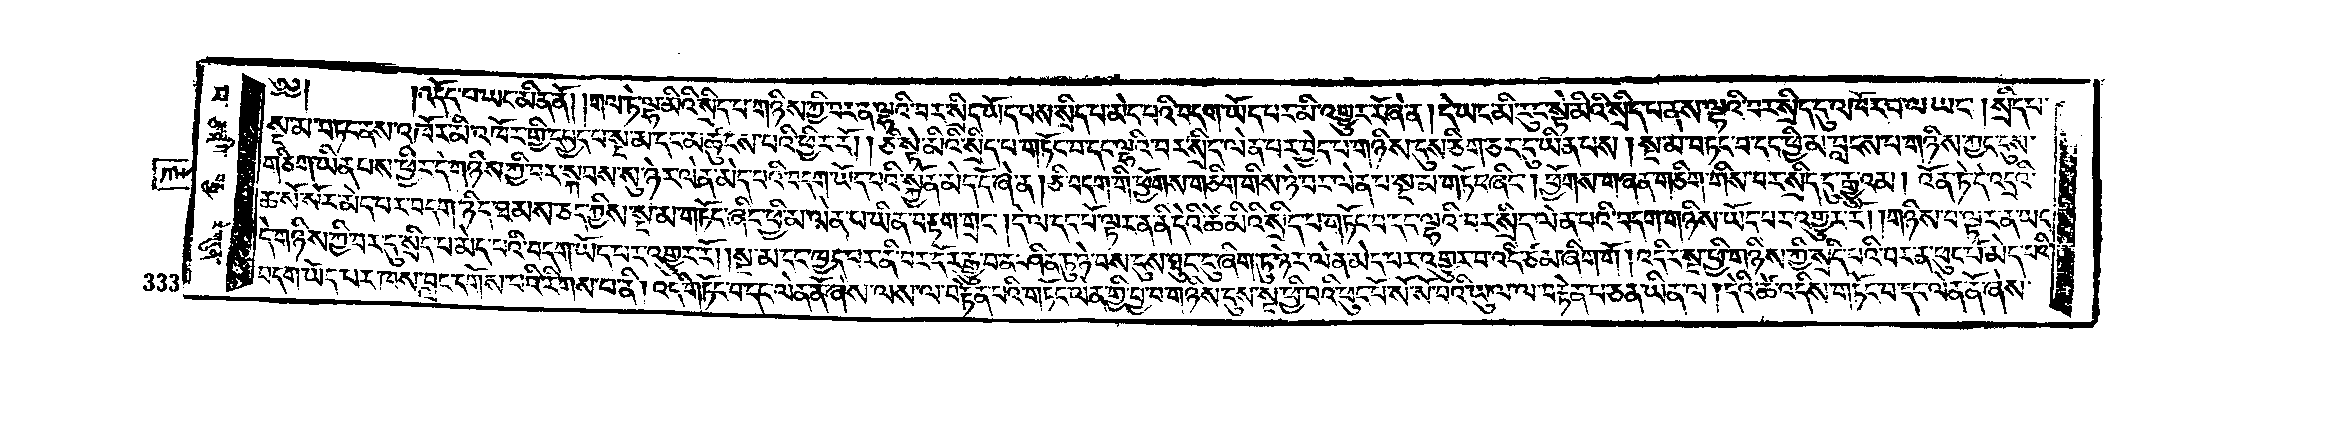༄༅། །འདོད་པ་ཡང་མིན་ནོ། །གལ་ཏེ་ལྷ་མིའི་སྲིད་པ་གཉིས་ཀྱི་བར་ན་ལྷའི་བར་སྲིད་ཡོད་པས་སྲིད་པ་མེད་པའི་བདག་ཡོད་པར་མི་འགྱུར་རོ་ཞེ་ན། དེ་ཡང་མི་རུང་སྟེ་མིའི་སྲིད་པ་ནས་ལྷའི་བར་སྲིད་དུ་འཁོར་བ་ལ་ཡང་། སྲིད་པ་
སྔ་མ་བཏང་ནས་འཁོར་མི་འཁོར་གྱི་དཔྱད་པ་སྔ་མ་དང་མཚུངས་པའི་ཕྱིར་རོ། །ཅི་སྟེ་མིའི་སྲིད་པ་གཏོང་པ་དང་ལྷའི་བར་སྲིད་ལེན་པར་བྱེད་པ་གཉིས་དུས་ཅིག་ཅར་དུ་ཡིན་པས། སྔ་མ་བཏང་བ་དང་ཕྱི་མ་བླངས་པ་གཉིས་ཀྱང་དུས་
གཅིག་ཡིན་པས་ཕྱིར་དེ་གཉིས་ཀྱི་བར་སྐབས་སུ་ཉེར་ལེན་མེད་པའི་བདག་ཡོད་པའི་སྐྱོན་མེད་དོ་ཞེ་ན། ཅི་བདག་གི་ཕྱོགས་གཅིག་གིས་ཉེ་བར་ལེན་པ་སྔ་མ་གཏོང་ཞིང་། ཕྱོགས་གཞན་གཅིག་གིས་བར་སྲིད་དུ་རྒྱུའམ། འོན་ཏ་དེ་འདྲའི་
ཆ་སོ་སོར་མེད་པར་བདག་ཉིད་ཐམས་ཅད་ཀྱིས་སྔ་མ་གཏོང་ཞིང་ཕྱི་མ་ལེན་པ་ཡིན་བརྟག་གྲང་།དེ་ལ་དང་པོ་ལྟར་ན་ནི་དེའི་ཚེ་མིའི་སྲིད་པ་གཏང་བ་དང་ལྷའི་བར་སྲིད་ལེན་པའི་བདག་གཉིས་ཡོད་པར་འགྱུར་རོ། །གཉིས་པ་ལྟར་ན་ཡང་
དེ་གཉིས་ཀྱི་བར་དུ་སྲིད་པ་མེད་པའི་བདག་ཡོད་པར་འགྱུར་རོ། །སྔ་མ་དང་ཁྱད་པར་ནི་བར་དོར་རྒྱུ་བ་ན་ཤིན་ཏུ་ཉེ་བས་དུས་ཐུང་དུ་ཞིག་ཏུ་ཉེར་ལེན་མེད་པར་འགྱུར་བ་འདི་ཙམ་ཞིག་གོ། འདིར་སྔ་ཕྱི་གཉིས་ཀྱི་སྲིད་པའི་བར་ན་ཕུང་པོ་མེད་པའི་
བདག་ཡོད་པར་ཁས་བླང་དགོས་པའི་རིགས་པ་ནི། འདི་གཏོང་བ་དང་ལེན་ནོ་ཞེས་ལས་ལ་བརྟེན་པའི་གཏོང་ལེན་གྱི་བྱ་བ་གཉིས་དུས་སྔ་ཕྱི་བའི་ཕུང་པོ་སོ་སོ་བའི་ཡུལ་ལ་བརྟེན་བ་ཅན་ཡིན་ལ། དེའི་ཚེ་འདིས་གཏོང་བ་དང་ལེན་ནོ་ཞེས་